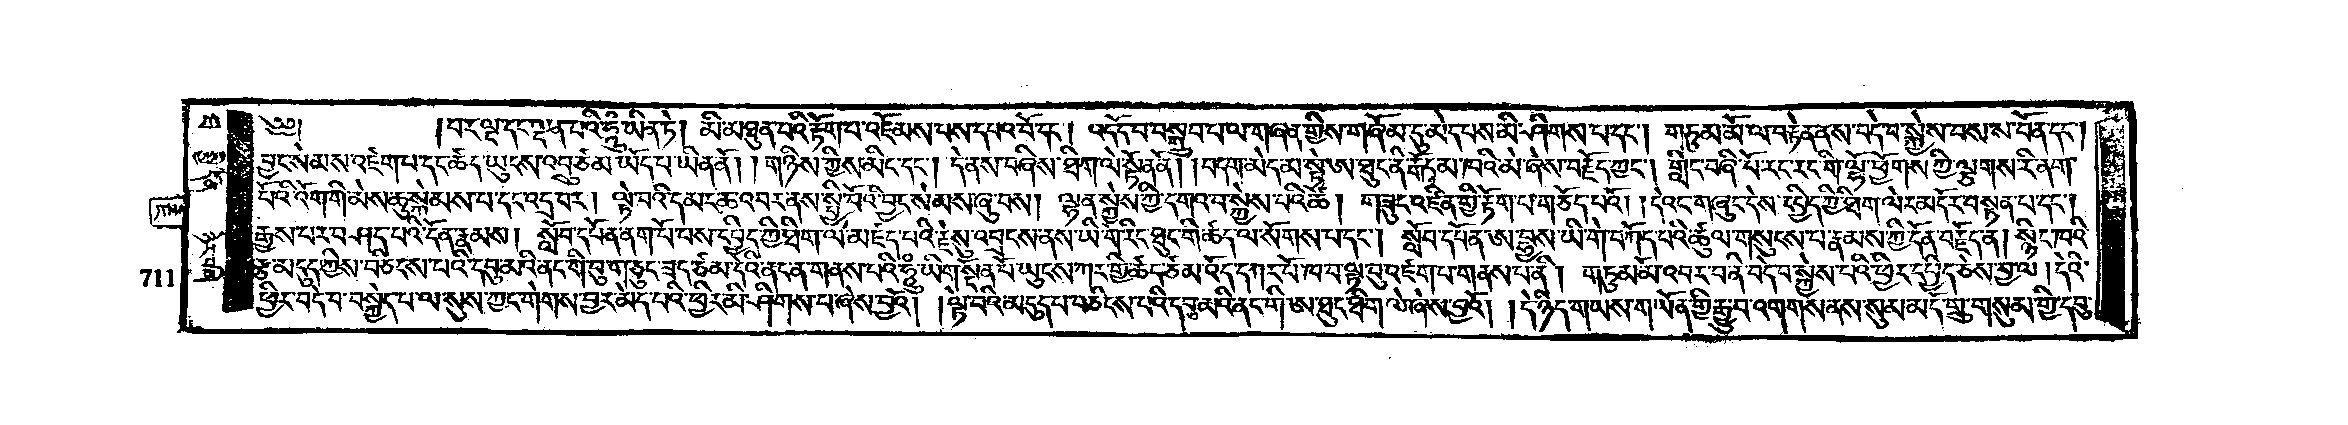༄༅། །པར་ལྔ་དང་ལྡན་པའི་ཧཱུཾ་ཡིན་ཏེ། མི་མཐུན་པའི་རྟོག་པ་འཇོམས་པས་དཔའ་བོ་དང་། འདོད་པ་བསྒྲུབ་པ་ལ་གཞན་གྱིས་གཞོམ་དུ་མེད་པས་མི་ཤིགས་པ་དང་། གཏུམ་མོ་ལ་བརྟེན་ནས་བདེ་བ་སྐྱེས་པས་ས་བོན་དང་།
བྱང་སེམས་འཛག་པ་དང་ཚད་ཡུངས་འབྲུ་ཙམ་ཡོད་པ་ཡིན་ནོ། །གཉིས་ཀྱིས་མིང་དང་། དེ་ནས་བཞིས་ཐིག་ལེ་སྟོན་ནོ། །བདག་མེད་མ་སྟེ་ཨ་ཐུང་ནི་རྒོད་མ་ཁའི་མེ་ཞེས་བརྗོད་ཀྱང་། གླིང་བཞི་པོ་རང་རང་གི་ལྷོ་ཕྱོགས་ཀྱི་ལྕགས་རི་ནག་
པོའི་འོག་གི་མེས་ཆུ་སྐེམས་པ་དང་འདྲ་བར། ལྟེ་བའི་དམར་ཆ་འབར་ནས་སྤྱི་བོའི་བྱང་སེམས་ཞུ་བས། ལྷན་སྐྱེས་ཀྱི་དགའ་བ་སྐྱེས་པའི་ཚེ། གཟུང་འཛིན་གྱི་རྟོག་པ་གཅོད་པའོ། །དེའང་གཞུང་དེས་དཔྱིད་ཀྱི་ཐིག་ལེར་མདོར་བསྟན་པ་དང་།
རྒྱས་པར་བཤད་པའི་དོན་རྣམས། སློབ་དཔོན་ནག་པོ་པས་དཔྱིད་ཀྱི་ཐིག་ལེ་མཛད་པའི་རྗེས་སུ་འབྲངས་ནས་ཡི་གེ་རིང་ཐུང་གི་ཚད་ལ་སོགས་པ་དང་། སློབ་དཔོན་ཨ་བྷྱས་ཡི་གེ་བཀོད་པའི་ཚུལ་གསུངས་པ་རྣམས་ཀྱི་དོན་བརྗོད་ན། སྙིང་ཁའི་
རྩ་མདུད་ཀྱིས་བཅིངས་པའི་དབུ་མའི་ནང་གི་བུ་ག་ཅུང་ཟད་ཙམ་དེའི་ནང་ན་གནས་པའི་ཧཱུཾ་ཡིག་སྔོན་པོ་ཡུངས་ཀར་གྱི་ཚད་ཙམ་འོད་དཀར་པོ་ཁ་བ་ལྟ་བུ་འཛག་པ་གནས་པ་ནི། གཏུམ་མོ་འབར་བ་ནི་བདེ་བ་སྐྱེས་པའི་ཕྱིར་དཔྱིད་ཅེས་བྱ་ལ། དེའི་
ཕྱིར་བདེ་བ་བསྐྱེད་པ་ལ་སུས་ཀྱང་གེགས་བྱར་མེད་པའི་ཕྱིར་མི་ཤིགས་པ་ཞེས་བྱའོ། །ལྟེ་བའི་མདུད་པ་བཅིངས་པའི་དབུ་མའི་ནང་གི་ཨ་ཐུང་ཐིག་ལེ་ཞེས་བྱའོ། །དེ་ཉིད་གཡས་གཡོན་གྱི་རྒྱུ་བ་འགགས་ནས་སུམ་མདོ་གྲུ་གསུམ་གྱི་དབུ་